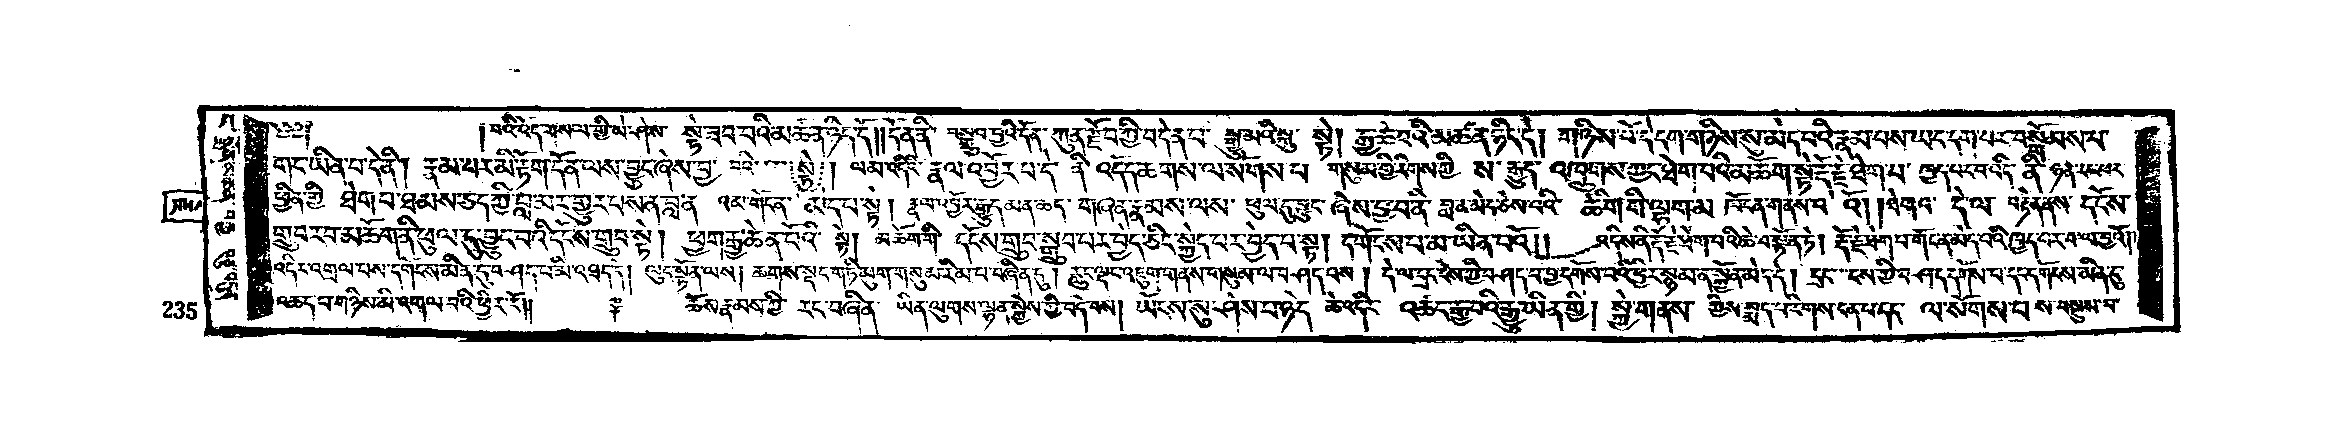༄༅། །པའི་འོད་གསལ་གྱི་ཡེ་ཤེས་སྟེ་ཟབ་པའི་མཚན་ཉིད་དོ། །དོན་ནི་བསྒྲུབ་བྱའི་དོན་ཀུན་རྫོབ་ཀྱི་བདེན་པ་སྒྱུ་མའི་སྐུ་སྟེ། རྒྱ་ཆེ་བའི་མཚན་ཉིད་དེ། གཉིས་པོ་དེ་དག་གཉིས་སུ་མེད་པའི་རྣམ་པས་ཡང་དག་པར་བསྒོམས་པ་
གང་ཡིན་པ་དེ་ནི། རྣམ་པར་མི་རྟོག་དོན་ལས་བྱུང་ཞེས་བྱ་བའི་སྟེ། ལམ་འདིའི་རྣལ་འབྱོར་པ་དེ་ནི་འདོད་ཆགས་ལ་སོགས་པ་གསུམ་གྱི་རིགས་ཀྱི་ས་རྒྱུད་འཁྲུགས་ཀྱང་ཐེག་པའི་མཆོག་སྟེ་རྡོ་རྗེ་ཐེག་པ་ཁྱད་པར་བ་འདི་ནི་ཉན་རང་ཕར་
ཕྱིན་གྱི་ཐེག་པ་ཐམས་ཅད་ཀྱི་བླ་མར་གྱུར་པས་ན་བླ་ན་འམ་གོང་ན་མེད་པ་སྟེ། རྣལ་འབྱོར་རྒྱུད་མན་ཆད་གཞན་རྣམས་ལས་ཕུལ་དུ་བྱུང་ཞེས་བྱ་བ་ནི་བླ་ན་མེད་ཅེས་པའི་ཚིག་གི་ལྷག་མ་ཁོང་ན་གནས་པའོ། །ཐེག་པ་དེ་ལ་བརྟེན་ནས་དངོས་
གྲུབ་རབ་མཆོག་ནི་ཕུལ་དུ་བྱུང་བའི་དངོས་གྲུབ་སྟེ། ཕྱག་རྒྱ་ཆེན་པོའི་སྟེ། མཆོག་གི་དངོས་གྲུབ་སྒྲུབ་པར་བྱེད་ཅིང་སྐྱེད་པར་བྱེད་པ་སྟེ། དགོངས་པ་མ་ཡིན་པའོ།། འདིས་ནི་རྡོ་རྗེ་ཐེག་པའི་ཆེ་བ་སྟོན་ཏེ། རྡོ་རྗེ་ཐེག་པ་གོང་ན་མེད་པའི་ཁྱད་པར་བ་ལ་བྱའོ།།
འདིར་འགྲལ་པས་དགོངས་མེན་དུ་བཤད་པ་མི་འཐད་དེ། ལུང་སྟོན་ལས། ཆགས་སྡང་གཏི་མུག་གསུམ་རིམ་པ་བཞིན་དུ། རླུང་ལྡང་འཇུག་གནས་གསུམ་ལ་བཤད་པས། དེ་ལ་དྲང་ངེས་ཀྱི་བཤད་པ་བྱ་དགོས་པའི་ཕྱིར་སྙམ་ན་སྐྱོན་མེད་དེ། དྲང་ངས་ཀྱི་བཤད་དགོས་པ་དང་དགོངས་མིན་དུ་
འཆད་པ་གཉིས་མི་འགལ་བའི་ཕྱིར་རོ།། ༈ ཆོས་རྣམས་ཀྱི་རང་བཞིན་ཡིན་ལུགས་ལྷན་སྐྱེས་ཀྱི་བདེ་བས། ཡོངས་སུ་ཤེས་པ་ཉིད་ཆེ་འདིར་འཚང་རྒྱ་བའི་རྒྱུ་ཡིན་གྱི། སྐྱེ་གནས་ཀྱིས་སྨད་པ་རིགས་ངན་པ་དང་ལ་སོགས་པས་བསྡུས་པ་